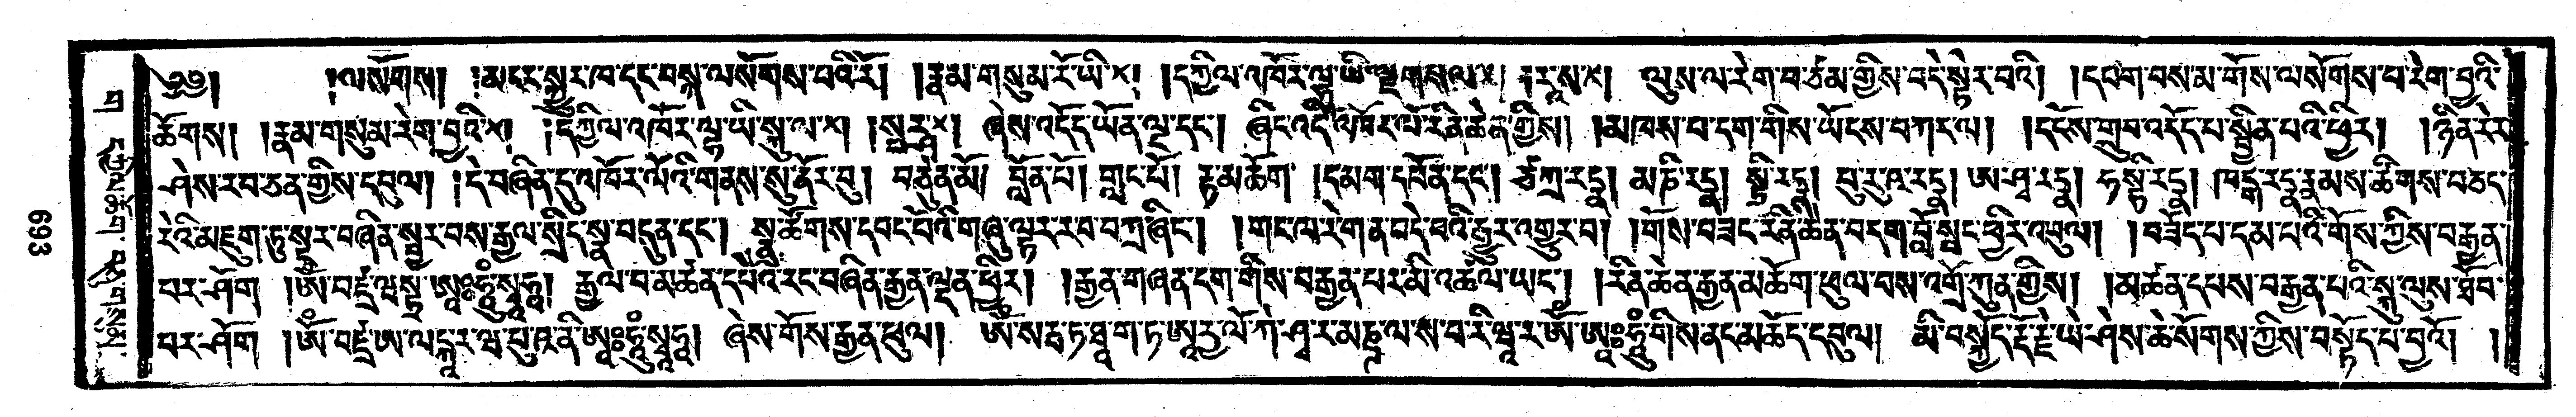༄༅། །ལ་སོགས། །མངར་སྐྱུར་ཁ་དང་བསྐ་ལ་སོགས་པའི་རོ། །རྣམ་གསུམ་རོ་ཡི་྾། །དཀྱིལ་འཁོར་ལྷ་ཡི་ལྗགས་ལ་྾། ད་རཱ་ས་྾། ལུས་ལ་རེག་པ་ཙམ་གྱིས་བདེ་སྟེར་བའི། །དཔག་བསམ་གོས་ལ་སོགས་པ་རེག་བྱའི་
ཆོགས། །རྣམ་གསུམ་རེག་བྱའི་྾། །དཀྱིལ་འཁོར་ལྷ་ཡི་སྐུ་ལ་྾། །སྤརྵ་྾། ཞེས་དོད་ཡོན་ལྔ་དང་། ཞིང་འདི་འཁོང་ལོ་རིན་ཆེན་གྱིས། །མཁས་པ་དག་གིས་ཡོངས་བཀར་ལ། །དངོས་གྲུབ་འདོད་པ་སྦྱིན་པི་ཕྱིར། །ཉིན་རེར་
ཤེས་རབ་ཅན་གྱིས་དབུལ། །དེ་བཞིན་དུ་འཁོར་ལོའི་གནས་སུ་ནོར་བུ། བཙུན་མོ། བློན་པོ། གླང་པོ། རྟ་མཆོག །དམག་དཔོན་དང་། ཙཀྲ་རདྣ། མཎི་རདྣ། སྟི་རཏྜ། པུ་རུ་ཥ་རདྣ། ཨ་ཤྭ་རདྣ། ཧ་སྟི་རདྣ། ཁང་ག་རདྣ་རྣམས་ཚིགས་བཅད་
རེའི་མཇུག་ཏུ་སྔར་བཞིན་སྦྱར་བས་རྒྱལ་སྲིད་སྣ་བདུན་དང་། སྣ་ཚོགས་དབང་པོའི་གཞུ་ལྟར་རབ་བཀྲ་ཞིང་། །གང་ལ་རེག་ན་བདེ་བའི་རྒྱུར་འགྱུར་བ། །གོས་བཟང་རིན་ཆེན་བདག་བློ་སྤང་ཕྱིར་འཕུལ། །བཟོད་པ་དམ་པའི་གོས་ཀྱིས་བརྒྱན་
པར་ཤོག །ཨོཾ་བཛྲ་ཝསྟྲ་ཨཱཿཧཱུཾ་སྭཱ་ཧཱ། རྒྱལ་བ་མཚན་དཔེའི་རང་བཞིན་རྒྱན་ལྡན་ཕྱིར། །རྒྱན་གཞན་དག་གིས་བརྒྱན་པར་མི་འཚལ་ཡང་། །རིན་ཆེན་རྒྱན་མཆོག་ཕུལ་བས་འགྲོ་ཀུན་གྱིས། །མཚན་དཔས་བརྒྱན་པའི་སྐུ་ལུས་ཐོབ་
པར་ཤོག །ཨོཾ་བཛྲ་ཨ་ལངྐཱ་ར་ཝ་པུ་ཥ་ནི་ཨཱཿཧཱུཾ་སྭཱཧཱ། ཞེས་གོས་རྒྱན་ཕུལ། ཨོཾ་སརྦ་ཏ་ཐཱ་ག་ཏ་ཨཱརྱ་ལོ་ཀེ་ཤྭ་ར་མཎྜ་ལ་ས་པ་རི་ཝཱ་ར་ཨོཾ་ཨཱཿཧཱུཾ་གིས་ནང་མཆོད་འབུལ། མི་བསྐྱོད་རྡོ་རྗེ་ཡེ་ཤེས་ཆེ་སོགས་ཀྱིས་བསྟོད་པ་བྱའོ། །